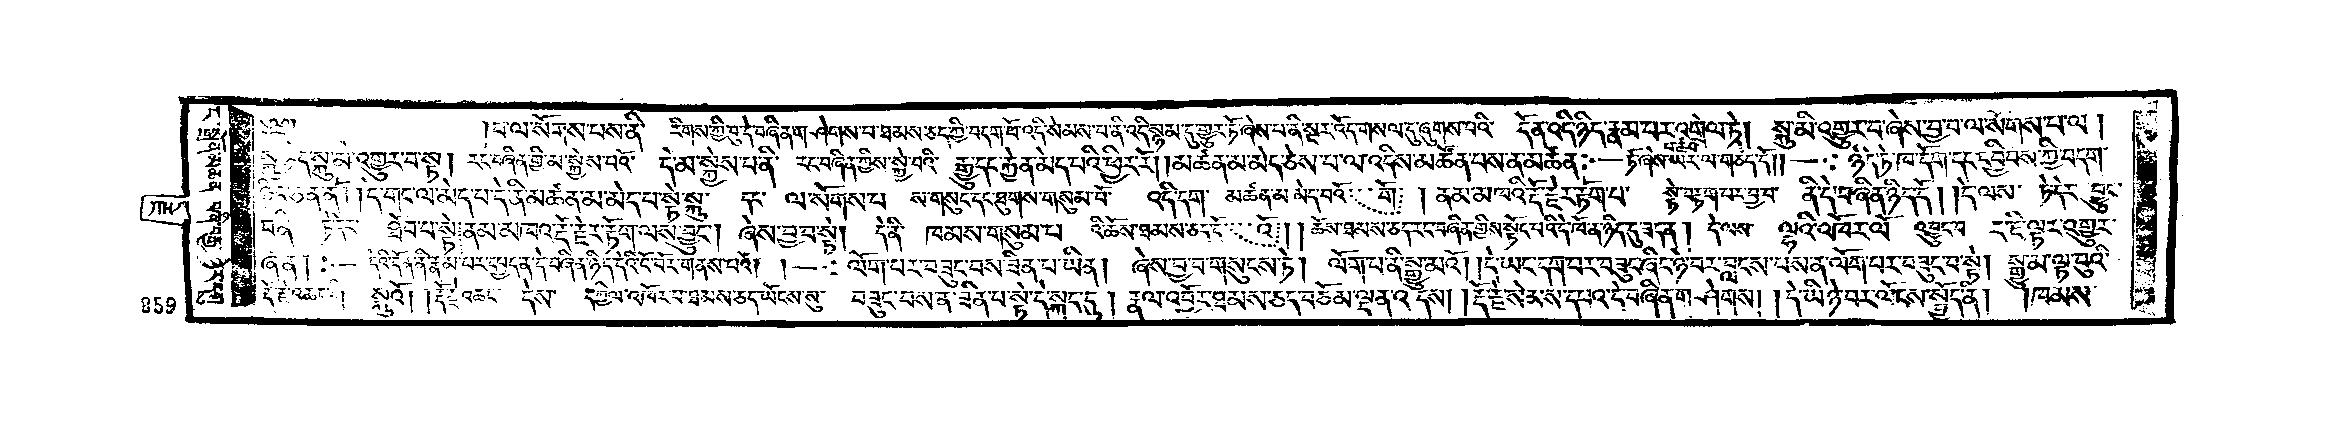༄༅། །བ་ལ་སོགས་པས་ནི་རིགས་ཀྱི་བུ་དེ་བཞིན་གཤེགས་པ་ཐམས་ཅད་ཀྱི་བདག་པོ་འདི་སེམས་པ་ནི་འདི་སྙམ་དུ་གྱུར་ཏོ་ཞེས་པ་ནི་སྔར་འོད་གསལ་དུ་ཞུགས་པའི་དོན་འདི་ཉིད་རྣམ་པར་འགྲེལ་ཏེ། སྐུ་མི་འགྱུར་བ་ཞེས་བྱ་བ་ལ་སོགས་པ་ལ།
སྐུ་ཉིད་སྐུ་མི་འགྱུར་བ་སྟ། རང་བཞིན་གྱི་མ་སྐྱེས་པའོ་དེ་མ་སྐྱེས་པ་ནི་རང་བཞིན་ཀྱིས་སྐྱེ་བའི་རྒྱུ་དང་རྐྱེན་མེད་པའི་ཕྱིར་རོ། །མཚན་མ་མེད་ཅེས་པ་ལ་འདིས་མཚོན་པས་ན་མཚནཿ་ཏོ་ཞེས་པ་ཚབ་ཡར་ལ་གཅད་དོ།།.H་ཉིད་ཏེ་ཁ་དོག་དང་དབྱིབས་ཀྱི་བདག་
ཉིད་ཅན་ནོ། །དེ་གང་ལ་མེད་པ་དེ་ནི་མཚན་མ་མེད་པ་སྟེ་སྐུ་དང་ལ་སོགས་པས་གསུང་དང་ཐུགས་གསུམ་པོ་འདི་དག་མཚན་མ་མེད་པའོ་གོ །ནམ་མཁའི་རྡོ་རྗེར་རྟོག་པ་སྟེ་བརྟག་པར་བྱ་བ་ནི་དེ་བཞིན་ཉིད་དོ། །དེ་ལས་ཏེ་དེར་བྱུང་
བ་ནི་ཏེ་དེར་ཐོབ་པ་སྟེ་ནམ་མཁའི་རྡོ་རྗེར་རྟོག་ལས་བྱུང་། ཞེས་བྱ་བ་སྟེ། དེ་ནི་ཁམས་གསུམ་པའི་ཆོས་ཐམས་ཅད་དེ་འོ། ། ཆོས་ཐམས་ཅད་རང་བཞིན་གྱིས་སྟོང་པའི་དེ་ཁོ་ན་ཉིད་དུ་ཟད་ན། དེ་ལས་ལྷའི་འཁོར་ལོ་འབྱུང་བར་ཇི་ལྟར་འགྱུར་
ཞེ་ན།H.་དེའི་དོན་ནི་རྣམ་པར་དཔྱད་ན་དེ་བཞིན་ཉིད་དེའི་ངོ་བོར་གནས་པའོ།།  .H ལོག་པར་བཟུང་བས་ཟིན་པ་ཡིན། ཞེས་བྱ་བ་གསུངས་ཏེ། ལོག་པ་ནི་སྒྱུ་མའོ། །དེ་ཡང་དག་པར་བཟུང་ཞིང་ཉེ་བར་བླངས་པས་ན་ལོག་པར་བཟུང་བ་སྟེ། སྒྱུ་མ་ལྟ་བུའི་
རྡོ་རྗེ་འཆང་གི་སྐུའོ། ། རྡོ་རྗེ་འཆང་དེས་དཀྱིལ་འཁོར་བ་ཐམས་ཅད་ཡོངས་སུ་བཟུང་བས་ན་ཟིན་པ་སྟེ་དེ་སྐད་དུ། རྣལ་འབྱོར་ཐམས་ཅད་བཅོམ་ལྡན་འདས། །རྡོ་རྗེ་སེམས་དཔའ་དེ་བཞིན་གཤེགས། །དེ་ཡི་ཉེ་བར་ལོངས་སྤྱོད་ནི། །ཁམས་